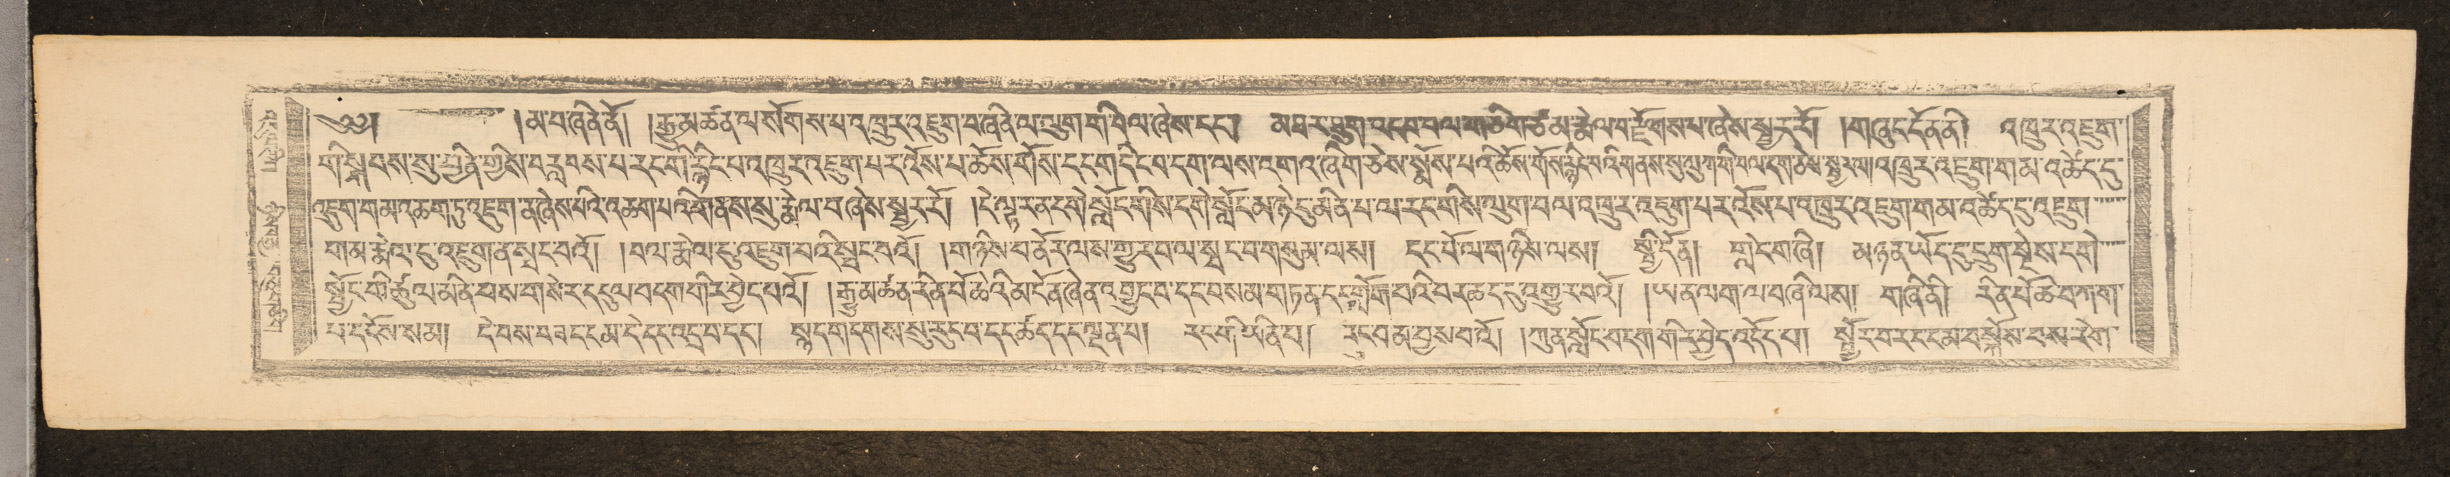༄༅། །མ་བཞིན་ནོ། །རྒྱུ་མཚན་ལ་སོགས་པ་འཁྲུར་འཇུག་བཞིན་ལ་ལུག་གི་བལ་ཞེས་དང་། མཐར་ཐུག་འདབ་བལ་གཅིག་ཙམ་རྨེལ་བ་རྫོགས་པ་ཞེས་སྦྱར་རོ། །གཞུང་དོན་ནི། འཁྲུར་འཇུག་
གི་སྐབས་སུ་བྱིན་གྱིས་བརླབས་པ་རང་གི་རྙིང་པ་འཁྲུར་འཇུག་པར་འོས་པ་ཆོས་གོས་དང་གདིང་བ་དག་ལས་འགའ་ཞིག་ཅེས་སྨོས་པའི་ཆོས་གོས་རྙིང་པའི་གནས་སུ་ལུག་གི་བལ་དག་ཅེས་སྦྱར་ལ། འཁྲུར་འཇུག་གམ་འཚེད་དུ་
འཇུག་གམ་འཆག་ཏུ་འཇུག་ན་ཞེས་པའི་འཆག་པའི་གནས་སུ་རྨེལ་བ་ཞེས་སྦྱར་རོ། །དེ་ལྟར་ན་དགེ་སློང་གིས་དགེ་སློང་མ་ཉེ་དུ་མིན་པ་ལ་རང་གིས་ལུག་བལ་འཁྲུར་འཇུག་པར་འོས་པ་འཁྲུར་འཇུག་གམ་འཚེད་དུ་འཇུག་
གམ་རྨེལ་དུ་འཇུག་ན་སྤང་བའོ། །བལ་རྨེལ་དུ་འཇུག་པའི་སྤང་བའོ། །གཉིས་པ་ནོར་ལས་གྱུར་བ་ལ་སྤང་བ་གསུམ་ལས། དང་པོ་ལ་གཉིས་ལས། སྤྱི་དོན། གླེང་གཞི། མཉན་ཡོད་དུ་དྲུག་སྡེས་དགེ་
སྦྱོང་གི་ཚུལ་མིན་པས་གསེར་དངུལ་བདག་གིར་བྱེད་པའོ། །རྒྱུ་མཚན་རིན་པོ་ཆེའི་མངོན་ཞེན་འབྱུང་བ་དང་བསམ་གཏན་དང་ཀློག་པའི་བར་ཆད་དུ་འགྱུར་བའོ། །ཡན་ལག་ལ་བཞི་ལས། གཞི་ནི། རིན་པོ་ཆེ་བཀག་
པ་དངོས་སམ། དེ་བས་བཟང་ངམ་དེ་དང་འདྲ་བ་དང་། སྙད་གདགས་སུ་རུང་བ་དང་ཚད་དང་ལྡན་པ། རང་གི་ཡིན་པ། རུང་བ་མ་བྱས་པའོ། །ཀུན་སློང་བདག་གིར་བྱེད་འདོད་པ། སྦྱོར་བ་རང་ངམ་བསྐོས་པས་རེག་